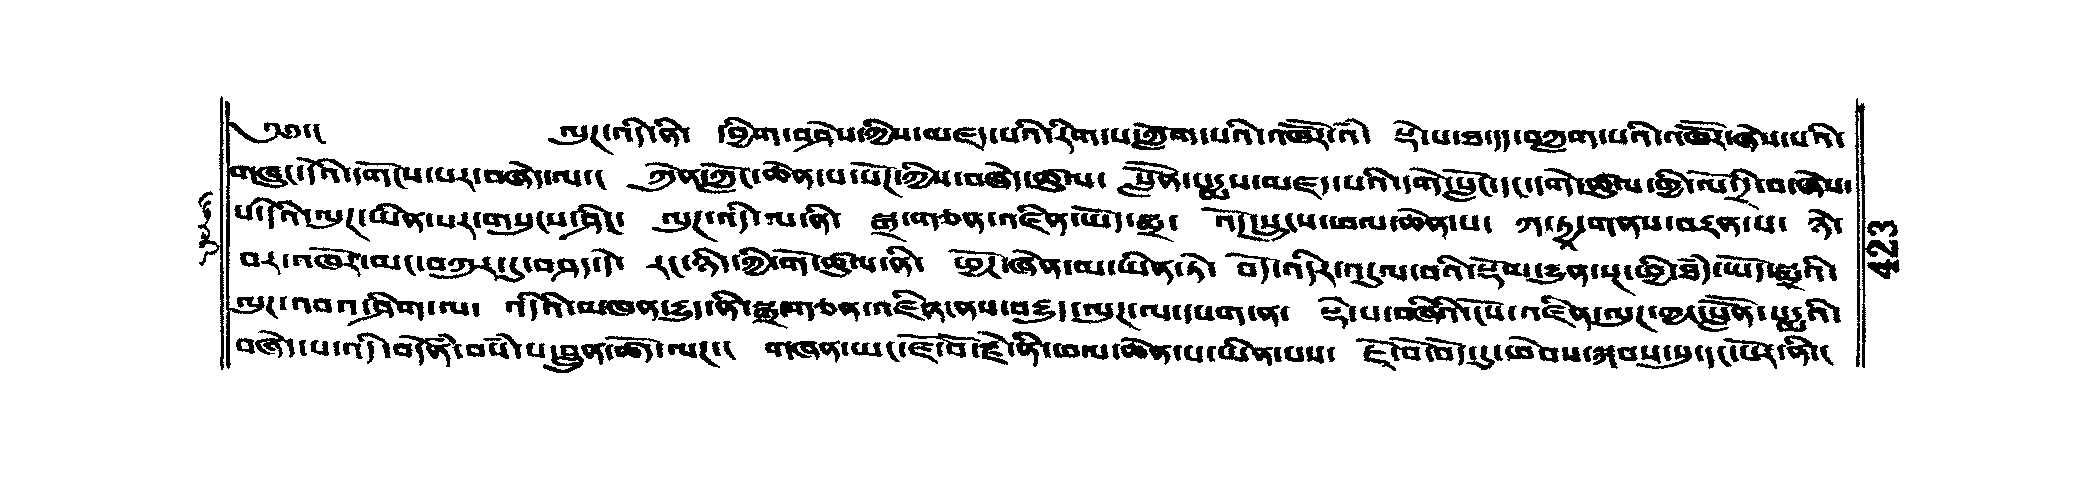ལུགས་འདི་ནི། དབྱིག་བཤེས་ཀྱིས་མཛད་པའི་རིག་པ་ཀློག་པའི་འཁོར་ལོའམ། སྡེ་པ་ཐ་དད་བཀླག་པའི་འཁོར་ལོ་ཞེས་པའི་
གཞུང་དེའི་དགོངས་པར་བཞེད་ལ། ཀུན་མཁྱེན་ཀློང་ཆེན་པ་སོགས་ཀྱིས་བཞེད་ཚུལ། སློབ་དཔོན་པདྨས་མཛད་པའི་དགེ་སློང་དང་དགེ་ཚུལ་གྱི་ལོ་དྲི་བ་ཞེས་
པ་དེའི་ལུགས་ཡིན་པར་གསུངས་ཤིང་། ལུགས་འདི་ལ་ནི། སྒྲ་གཅན་འཛིན་ཡོད་སྨྲ། འོད་སྲུངས་ཕལ་ཆེན་པ།ཀ་ཏྱཱ་གནས་བརྟན་པ། ཉེ་
བར་འཁོར་མང་བཀུར་དུ་བཤད་དེ། རང་ཉིད་ཀྱི་གོ་ཚུལ་ནི། ཕྱོགས་ཞེན་མ་ཡིན་ཏེ། བོད་འདིར་འདུལ་བའི་སྡོམ་རྒྱུན་སྔ་ཕྱི་ཐམས་ཅད་ཡོད་སྨྲའི་
ལུགས་འབའ་ཤིག་ལ། འདིའི་མཁན་རྒྱུད་ནི་སྒྲ་གཅན་འཛིན་ནས་བརྒྱུད་ལུགས་ལ་དཔགས་ན། སྡེ་པ་བཞིའི་ངོས་འཛིན་ལུགས་ཀྱང་སློབ་དཔོན་པདྨའི་
བཞེད་པ་འདི་བདེན་ནམ་བསམ་པ་བླུན་ཚོད་ལགས། གཞན་ཡང་ཇོ་བོ་རྗེ་ནི་ཕལ་ཆེན་པ་ཡིན་པས། ཇོ་བོ་བོད་དུ་ཕེབས་སྐབས་སུ་དང་པོར་ནི།